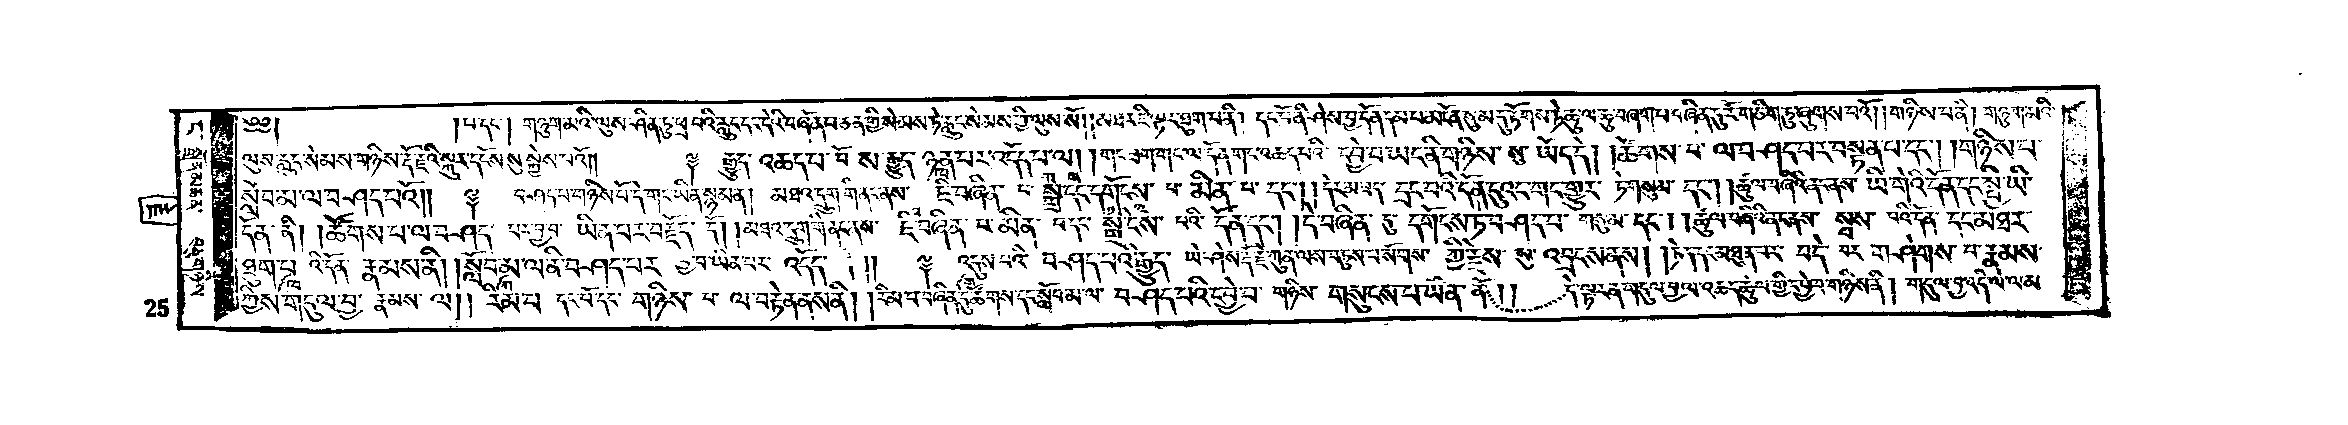༄༅། །པ་དང་། གཉུག་མའི་ལུས་ཤིན་ཏུ་ཕྲ་བའི་རླུང་དང་དེའི་བཞོན་པ་ཅན་གྱི་སེམས་ཏེ་རླུང་སེམས་ཀྱི་ལུས་སོ། །མཐར་ཇི་ལྟར་ཐུག་པ་ནི། དང་པོ་ནི་ཤེས་བྱ་དོན་དམ་པ་མངོན་སུམ་དུ་རྟོགས་ཏེ་ཆུ་ལ་ཆུ་བཞག་པ་བཞིན་དུ་རོ་གཅིག་ཏུ་ཞུགས་པའོ། །གཉིས་པ་ནི། གཉུག་མའི་
ལུས་རླུང་སེམས་གཉིས་རྡོ་རྗེའི་སྐུར་དངོས་སུ་སྐྱེས་པའོ།། ༈ རྒྱུད་འཆད་པ་པོས་རྒྱུད་ཉན་པར་འདོད་པ་ལ། ། གང་ཟག་གང་ལ་དོན་གང་འཆད་པའི་དབྱེ་བ་ཡང་ནི་གཉིས་སུ་ཡོད་དེ། །ཚོགས་པ་ལ་བཤད་པར་བསྟན་པ་དང་། །གཉིས་པ་
སློབ་མ་ལ་བཤད་པའོ།། ༈ བཤད་པ་གཉིས་པོ་དེ་གང་ཡིན་སྙམ་ན། མཐའ་དྲུག་གི་ནང་ནས་ཇི་བཞིན་པ་ཀ་སྒྲ་ག་དང་དགོངས་པ་མིན་པ་དང་། ། དེར་མ་ཟད་དྲང་བའི་དོན་དུའང་གང་གྱུར་ཏེ་གསུམ་དང་། ། ཚུལ་བཞིའི་ནང་ནས་ཡི་གེའི་དོན་དང་སྤྱི་ཡི་
དོན་ནི། །ཚོགས་པ་ལ་བཤད་པར་བྱ་བ་ཡིན་པར་བརྗོད་དོ། །མཐའ་དྲུག་གི་ནང་ནས་ཇི་བཞིན་པ་མིན་པ་དང་སྒྲ་ངེས་པའི་དོན་དང་། །དེ་བཞིན་དུ་དགོངས་ཏེ་བཤད་པ་གསུམ་དང་། ། ཚུལ་བཞིའི་ནང་ནས་སྦས་པའི་དོན་དང་མཐར་
ཐུག་པའི་དོན་རྣམས་ནི། །སློབ་མ་ལ་ནི་བཤད་པར་བྱ་བ་ཡིན་པར་འདོད་དོ།། ༈ འདུས་པའི་བཤད་པའི་རྒྱུད་ཡེ་ཤེས་རྡོ་རྗེ་ཀུན་ལས་བཏུས་པ་སོགས་ཀྱི་རྗེས་སུ་འབྲངས་ནས། ། ཏེ་དེ་དང་མཐུན་པར་བདེ་བར་གཤེགས་པ་རྣམས་
ཀྱིས་གདུལ་བྱ་རྣམས་ལ། །རིམ་པ་དང་པོ་དང་གཉིས་པ་ལ་བརྟེན་ནས་ནི། ། རིམ་པ་བཞིན་དུ་ཚོགས་དང་སློབ་མ་ལ་བཤད་པའི་དབྱེ་བ་གཉིས་གསུངས་པ་ཡིན་ནོ། །དེ་ལྟར་ན་གདུལ་བྱ་ལ་འཆད་ཚུལ་གྱི་དབྱེ་བ་གཉིས་ནི། གདུལ་བྱ་འདི་ལ་ལམ་